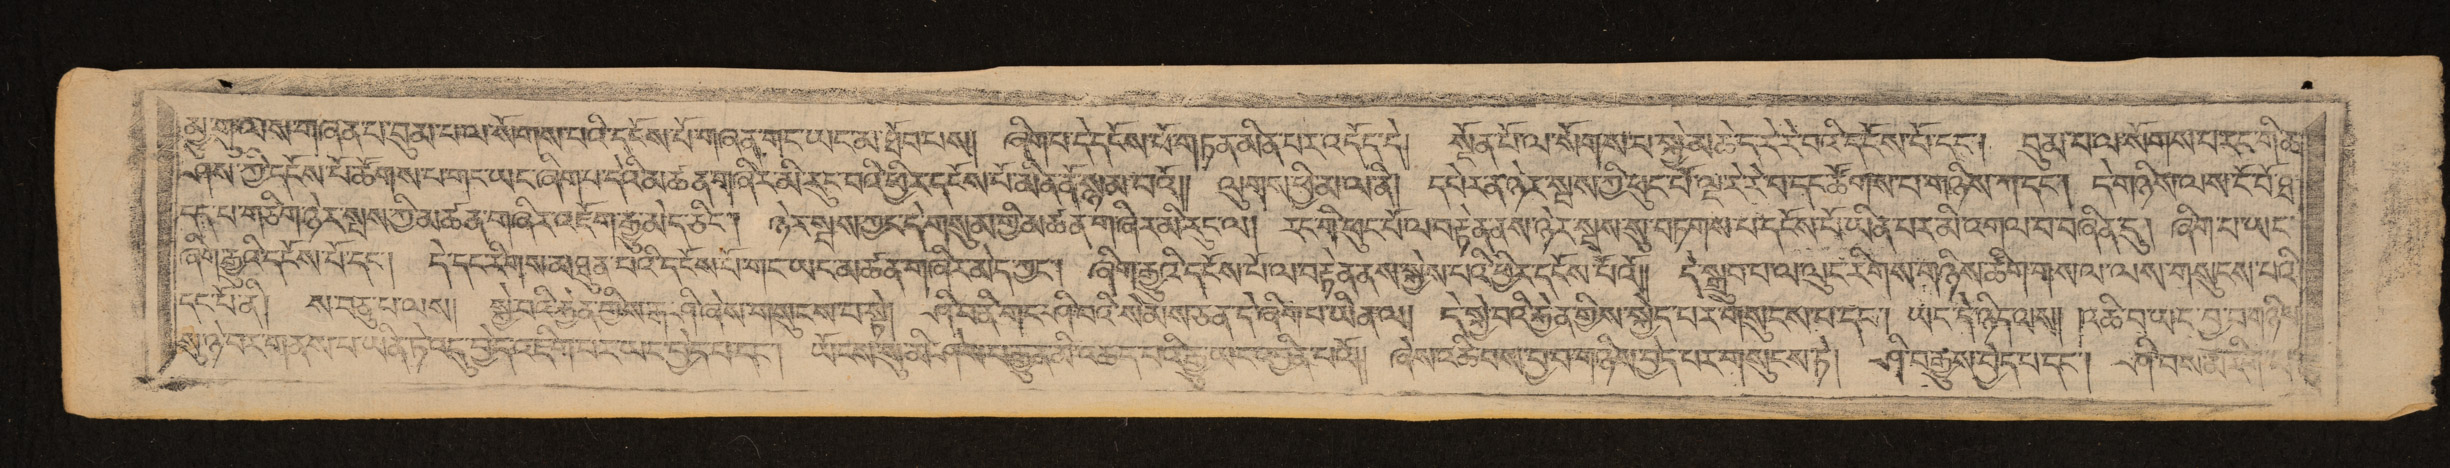མྱུ་གུ་ལས་གཞན་པ་བུམ་པ་ལ་སོགས་པའི་དངོས་པོ་གཞན་གང་ཡང་མ་ཐོབ་པས། ཞིག་པ་དེ་དངོས་པོ་གཏན་མིན་པར་འདོད་དེ། སྔོན་པོ་ལ་སོགས་པ་སྐྱེ་མཆེད་རེ་རེ་བའི་དངོས་པོ་དང་། བུམ་པ་ལ་སོགས་པ་རང་གི་ཆ་
ཤས་ཀྱི་དངོས་པོ་ཚོགས་པ་གང་ཡང་ཞིག་པ་དེའི་མཚན་གཞིར་མི་རུང་བའི་ཕྱིར་དངོས་པོ་མིན་ནོ་སྙམ་པའོ།། ལུགས་ཕྱི་མ་ལ་ནི། དཔེར་ན་ཉེར་སྦས་ཀྱི་ཕུང་པོ་ལྔ་རེ་རེ་བ་དང་ཚོགས་པ་གཉིས་ཀ་དང་། དེ་གཉིས་ལས་ངོ་བོ་ཐ་
དད་པ་གཅིག་ཉེར་སྦས་ཀྱི་མཚན་གཞིར་འཇོག་རྒྱུ་མེད་ཅིང་། ཉེར་སྦས་ཀྱང་དེ་གསུམ་གྱི་མཚན་གཞིར་མི་རུང་ལ། རང་གི་ཕུང་པོ་ལ་བརྟེན་ནས་ཉེར་སྦས་སུ་བཏགས་པ་དངོས་པོ་ཡིན་པར་མི་འགལ་བ་བཞིན་དུ། ཞིག་པ་ཡང་
ཞིག་རྒྱུའི་དངོས་པོ་དང་། དེ་དང་རིགས་མཐུན་པའི་དངོས་པོ་གང་ཡང་མཚན་གཞིར་མེད་ཀྱང་། ཞིག་རྒྱུའི་དངོས་པོ་ལ་བརྟེན་ནས་སྐྱེས་པའི་ཕྱིར་དངོས་པོའོ།། དེ་སྒྲུབ་པ་ལ་ལུང་རིགས་གཉིས་ཚིག་གསལ་ལས་གསུངས་པའི་
དང་པོ་ནི། ས་བཅུ་པ་ལས། སྐྱེ་བའི་རྐྱེན་གྱིས་རྒ་ཤི་ཞེས་གསུངས་པ་སྟེ། ཤི་བ་ནི་གང་ཤི་བའི་སེམས་ཅན་དེ་ཞིག་པ་ཡིན་ལ། དེ་སྐྱེ་བའི་རྐྱེན་གྱིས་སྐྱེད་པར་གསུངས་པ་དང་། ཡང་དེ་ཉིད་ལས། །འཆི་བ་ཡང་བྱ་བ་གཉིས་
སུ་ཉེ་བར་གནས་པ་ཡིན་ཏེ་འདུ་བྱེད་འཇིག་པར་ཡང་བྱེད་པ་དང་། ཡོངས་སུ་མི་ཤེས་པ་རྒྱུན་མི་འཆད་པའི་རྒྱུ་ཡང་འབྱིན་པའོ།། ཞེས་འཆི་བས་བྱ་བ་གཉིས་བྱེད་པར་གསུངས་ཏེ། ཤི་བ་རྒྱུས་བྱེད་པ་དང་། ཤི་བས་མ་རིག་པ་